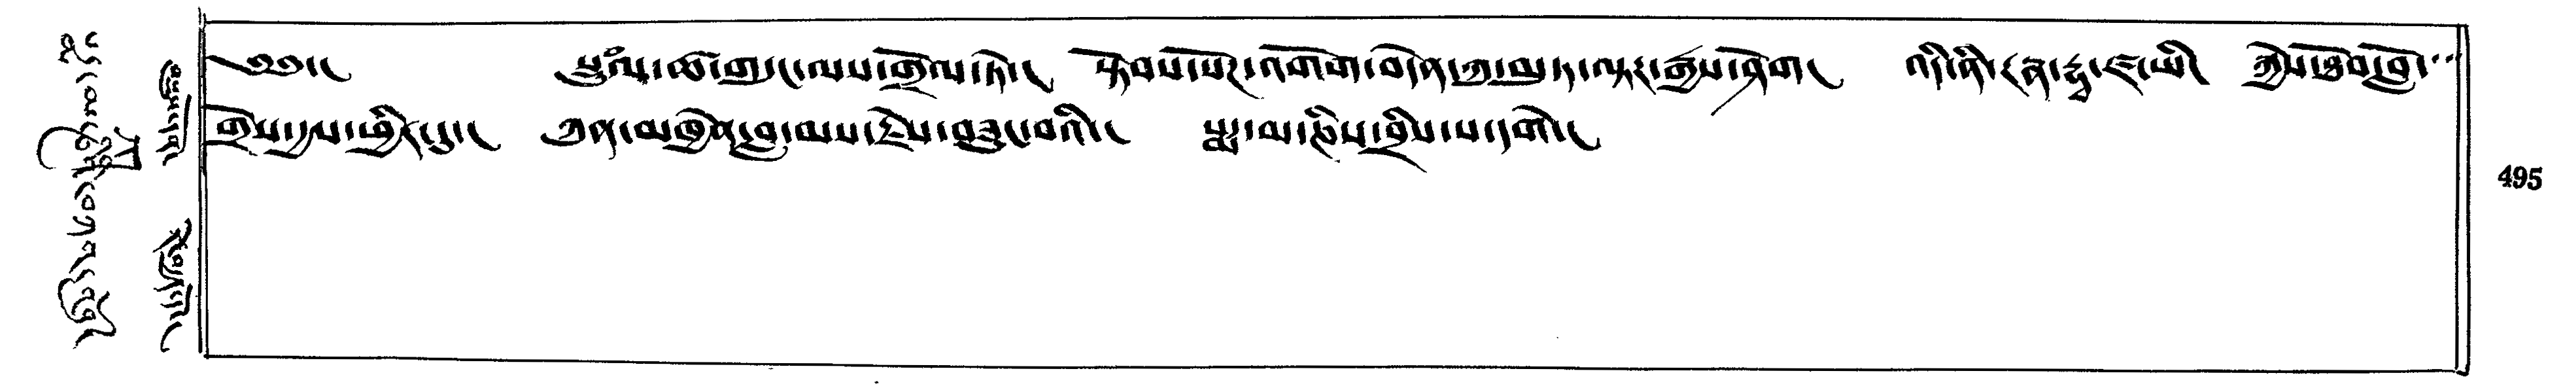སྡུག་བསྔལ་ཚ་གདུང་ལས་གྲོལ་ཏེ། །སྟོབས་སོགས་འགོག་བདེན་ཀུ་མུཏ་ལྟར་རྒྱས་ཤོག །འདི་ནི་རཏྣ་དྷྭ་ཛ་ཡི། །སྐྱེས་ཐོབ་བློ་
གྲོས་རྒྱས་ཕྱིར་དུ། །ཀུན་མཁྱེན་བླ་མས་རྗེས་བཟུང་བའི། །པདྨ་མ་ཎིས་བྲིས་པ་དགེ།། །།